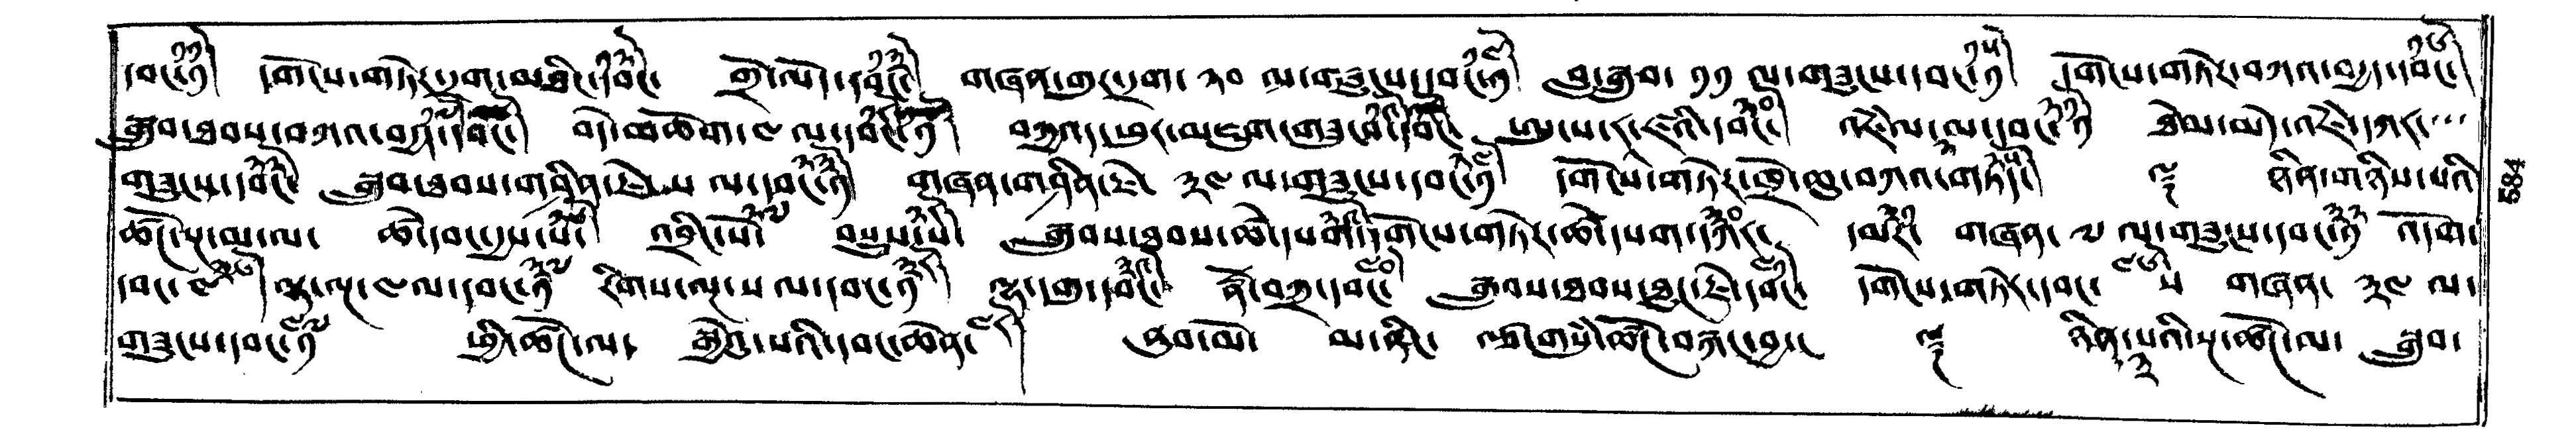དབང་༡༡༡༽ དགོངས་གཏེར་དྲག་མཐིང་དབང་༡༢༽ གྲོ་ལོད་དབང་༡༣༽ གཞན་གུར་དྲག་ ༢༠ ལ་གཟུངས་དབང་༡༡༤༽ བླ་སྒྲུབ་ ༡༡ ལ་གཟུངས་དབང་༡༡༥༽ དགོངས་གཏེར་བཀའ་བརྒྱད་དབང་༡༦༽ 
སྒྲུབ་ཐབས་བཀའ་བརྒྱད་དབང་༡༧༽ བདེ་མཆོག་ ༤ ལ་དབང་༡༡༨༽ བཀའ་བརྒྱད་ཕུར་མཇུག་གཟུང་དབང་༡༩༽ ཨུ་པ་རཱ་ཛའི་དབང་༢༠༽ འཇམ་དཔལ་ལ་དབང་༡༢༡༽ ཐེམ་མེད་འཇམ་དཀར་
གཟུངས་དབང་༢༢༽ སྒྲུབ་ཐབས་གཤིན་རྗེ་ལ་དབང་༡༢༣༽ གཞན་གཤིན་རྗེ ༣༤ ལ་གཟུངས་དབང་༡༢༤༽ དགོངས་གཏེར་ཁྲོ་ཆུ་བཀའ་གཏད་༢༥༽ ༈ ཉིན་གཉིས་པའི་
ཚོགས་སྔ་མ་ལ། ཚེ་དབང་རྒྱས་པ་༢༦༽ འབྲིང་པོ༢༧༽ བསྡུས་པ་༢༨༽ སྒྲུབ་ཐབས་ཚེ་དཔག་༢༩དགོངས་གཏེར་ཚེ་དཔག་དཀར༣༠། དམར༣༡ གཞན ༧ ལ་གཟུངས་དབང་༡༣༢ འདོག་
དབང་ ༤ ལྷ་ལྔ་༤ལ་དབང་༡༣༧ རིགས་ལྔ་པ་ལ་དབང་༡༣༨༽ ལྷ་དགུ་དབང་༣༩༽ རྣོ་བཀྲའི་དབང་༤༠༽སྒྲུབ་ཐབས་ཐུགས་རྗེ་དབང་༤༡༽ དགོངས་གཏེར་དབང་། ༥༤༦༽ གཞན་ ༣༩ ལ་
གཟུངས་དབང་༡༤༧ ཕྱི་ཚོགས་ལ། སྒྱེའུ་པའི་དབང་ཆེན༤༨ ནུབ་མོ། མ་ནིང་། རྩ་གསུམ་ཚོགས་བསྐང་བྱ། ༈ ཉིན་གསུམ་པའི་སྔ་ཚོགས་ལ། སྒྲུབ